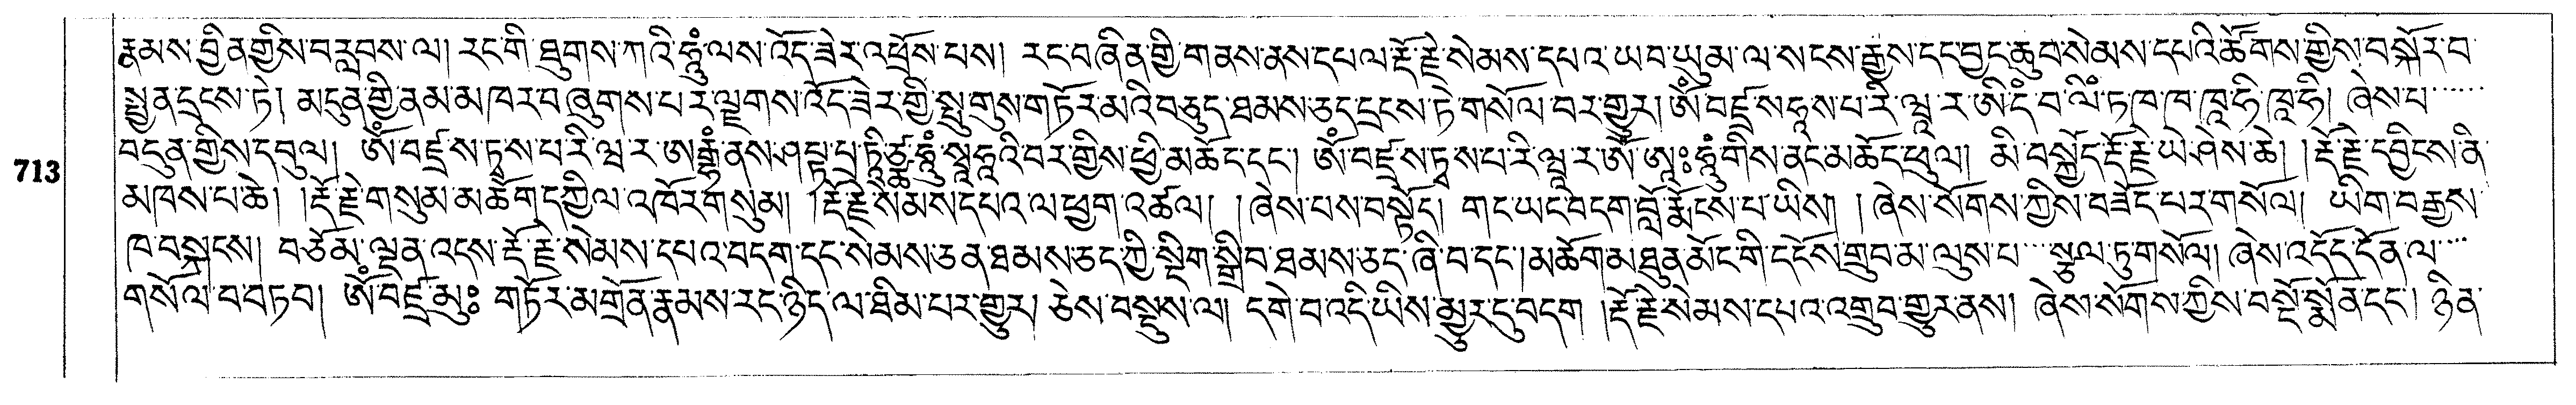རྣམས་བྱིན་གྱིས་བརླབས་ལ། རང་གི་ཐུགས་ཀའི་ཧཱུཾ་ལས་འོད་ཟེར་འཕྲོས་པས། རང་བཞིན་གྱི་གནས་ནས་དཔལ་རྡོ་རྗེ་སེམས་དཔའ་ཡབ་ཡུམ་ལ་སངས་རྒྱས་དང་བྱང་ཆུབ་སེམས་དཔའི་ཚོགས་གྱིས་བསྐོར་བ་
སྤྱན་དྲངས་ཏེ། མདུན་གྱི་ནམ་མཁར་བཞུགས་པར་ལྗགས་འོད་ཟེར་གྱི་སྤུ་གུས་གཏོར་མའི་བཅུད་ཐམས་ཅད་དྲངས་ཏེ་གསོལ་བར་གྱུར། ཨོཾ་བཛྲ་སཧཱ་ས་པ་རི་ཝཱ་ར་ཨི་དཾ་བ་ལིཾ་ཏ་ཁ་ཁ་ཁཱ་ཧི་ཁཱ་ཧི། ཞེས་པ་
བདུན་གྱིས་དབུལ། ཨོཾ་བཛྲ་ས་ཏྭ་ས་པ་རི་ཝ་ར་ཨརྒྷཾ་ནས་ཤཔྟ་པྲ་ཏཱི་ཙྪ་ཧཱུཾ་སྭཱ་ཧཱའི་བར་གྱིས་ཕྱི་མཆོད་དང་། ཨོཾ་བཛྲ་ས་ཏྭ་ས་པ་རི་ཝཱ་ར་ཨོཾ་ཨཱཿ ཧཱུཾ་གིས་ནང་མཆོད་ཕུལ། མི་བསྐྱོད་རྡོ་རྗེ་ཡེ་ཤེས་ཆེ། །རྡོ་རྗེ་དབྱིངས་ནི་
མཁས་པ་ཆེ། །རྡོ་རྗེ་གསུམ་མཆོག་དཀྱིལ་འཁོར་གསུམ། །རྡོ་རྗེ་སེམས་དཔའ་ལ་ཕྱག་འཚལ། །ཞེས་པས་བསྟོད། གང་ཡང་བདག་བློ་རྨོངས་པ་ཡིས། །ཞེས་སོགས་ཀྱིས་བཟོད་པར་གསོལ། ཡིག་བརྒྱས་
ཁ་བསྐངས། བཅོམ་ལྡན་འདས་རྡོ་རྗེ་སེམས་དཔའ་བདག་དང་སེམས་ཅན་ཐམས་ཅད་ཀྱི་སྡིག་སྒྲིབ་ཐམས་ཅད་ཞི་བ་དང་། མཆོག་མཐུན་མོང་གི་དངོས་གྲུབ་མ་ལུས་པ་སྩལ་ཏུ་གསོལ། ཞེས་འདོད་དོན་ལ་
གསོལ་བ་བཏབ། ཨོཾ་བཛྲ་མུཿ གཏོར་མགྲོན་རྣམས་རང་ཉིད་ལ་ཐིམ་པར་གྱུར། ཅེས་བསྡུས་ལ། དགེ་བ་འདི་ཡིས་མྱུར་དུ་བདག །རྡོ་རྗེ་སེམས་དཔའ་འགྲུབ་གྱུར་ནས། ཞེས་སོགས་ཀྱིས་བསྔོ་སྨོན་དང་། ཉིན་